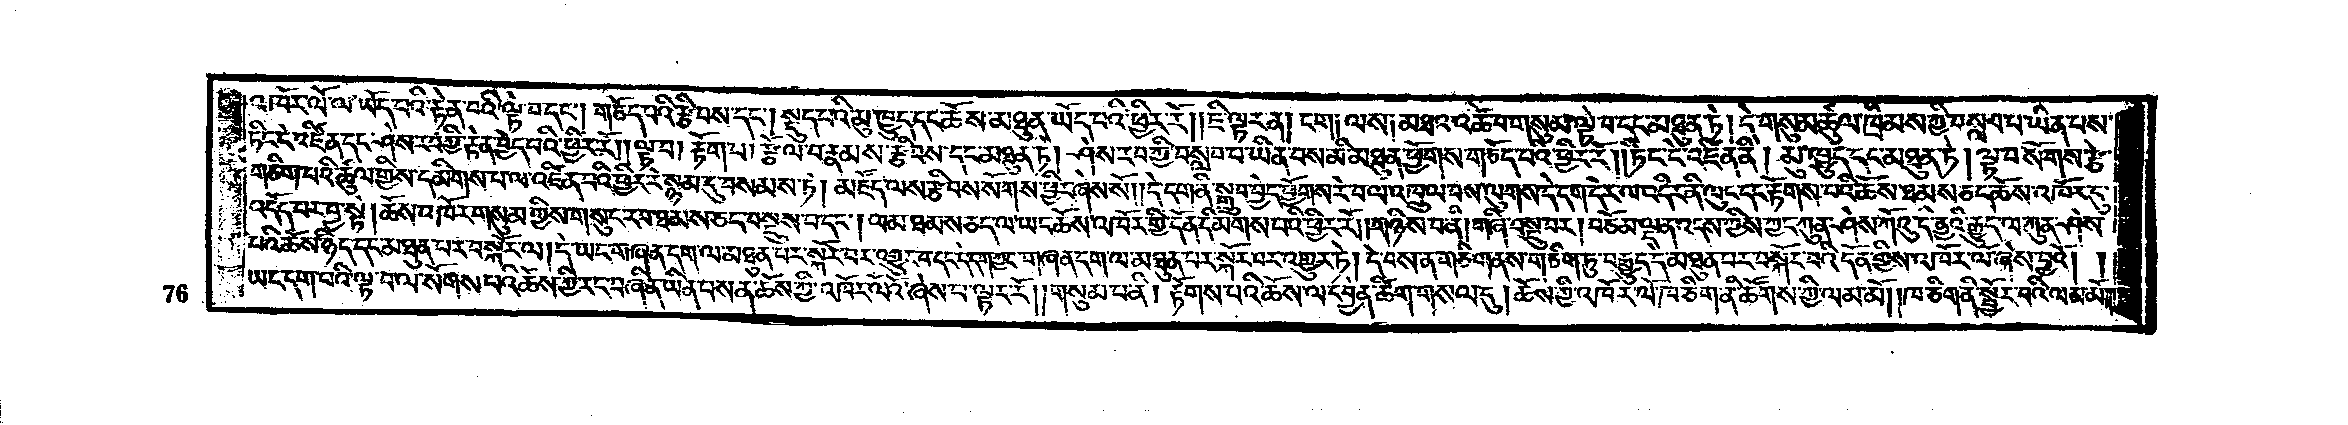འཁོར་ལོ་ལ་ཡོད་པའི་རྟེན་པའི་ལྟེ་བ་དང་། གཅོད་པའི་རྩིབས་དང་། སྡུད་པའི་མུ་ཁྱུད་དང་ཆོས་མཐུན་ཡོད་པའི་ཕྱིར་རོ། །ཇི་ལྟར་ན། ངག །ལས། མཐའ་འཚེ་བ་གསུམ་ལྟེ་བ་དང་མཐུན་ཏེ། དེ་གསུམ་ཚུལ་ཁྲིམས་ཀྱི་བསླབ་པ་ཡིན་པས་
ཏིང་ངེ་འཛིན་དང་ཤེས་རབ་ཀྱི་རྟེན་བྱེད་པའི་ཕྱིར་རོ། །ལྟ་བ། རྟོག་པ། རྩོལ་བ་རྣམས་རྩིབས་དང་མཐུན་ཏེ། ཤེས་རབ་ཀྱི་བསླབ་པ་ཡིན་པས་མི་མཐུན་ཕྱོགས་གཅོད་པའི་ཕྱིར་རོ། །ཏིང་ངེ་འཛིན་ནི། མུ་ཁྱུད་དང་མཐུན་ཏེ། ལྟ་བ་སོགས་རྩེ་
གཅིག་པའི་ཚུལ་གྱིས་དམིགས་པ་ལ་འཛིན་པའི་ཕྱིར་རོ་སྙམ་དུ་བསམས་ཏེ། མཛོད་ལས་རྩིབས་སོགས་ཕྱིར་ཞེས་སོ། །དེ་དག་ནི་སྒྲུབ་བྱེད་ཕྱོགས་རེ་བ་ལ་འཁྲུལ་བས་ལུགས་དེ་དག་དེར་ལ་འདིར་ནི་ལུང་དང་རྟོགས་པའི་ཆོས་ཐམས་ཅད་ཆོས་འཁོར་དུ་
འདོད་པར་བྱ་སྟེ། ཆོས་འཁོར་གསུམ་གྱིས་གསུང་རབ་ཐམས་ཅད་བསྡུས་པ་དང་། ལམ་ཐམས་ཅད་ལ་ཡང་ཆོས་འཁོར་གྱི་དོན་དམིགས་པའི་ཕྱིར་རོ། །གཉིས་པ་ནི། གཞི་བསྡུ་བར། བཅོམ་ལྡན་འདས་ཀྱིས་ཀྱང་ཀུན་ཤེས་ཀོའུ་དི་ནྱའི་རྒྱུད་ལ་ཀུན་ཤེས་
པའི་ཆོས་ཉིད་དང་མཐུན་པར་བསྐོར་ལ། དེ་ཡང་གཞན་དག་ལ་མཐུན་པར་སྐོར་བར་འགྱུར་བ་དང་དེ་དག་ཀྱང་གཞན་དག་ལ་མཐུན་པར་སྐོར་བར་འགྱུར་ཏེ། དེ་བས་ན་གཅིག་ནས་གཅིག་ཏུ་བརྒྱུད་དེ་མཐུན་པར་བསྐོར་བའི་དོན་གྱིས་འཁོར་ལོ་ཞེས་བྱའོ། །
ཡང་དག་པའི་ལྟ་བ་ལ་སོགས་པའི་ཆོས་ཀྱི་རང་བཞིན་ཡིན་པས་ན་ཆོས་ཀྱི་འཁོར་ལོའོ་ཞེས་པ་ལྟར་རོ། །གསུམ་པ་ནི། རྟོགས་པའི་ཆོས་ལ་དབྱེ་ན་ཚིག་གསལ་དུ། ཆོས་ཀྱི་འཁོར་ལོ་ཁ་ཅིག་ནི་ཚོགས་ཀྱི་ལམ་མོ། །ཁ་ཅིག་ནི་སྦྱོར་བའི་ལམ་མོ། །